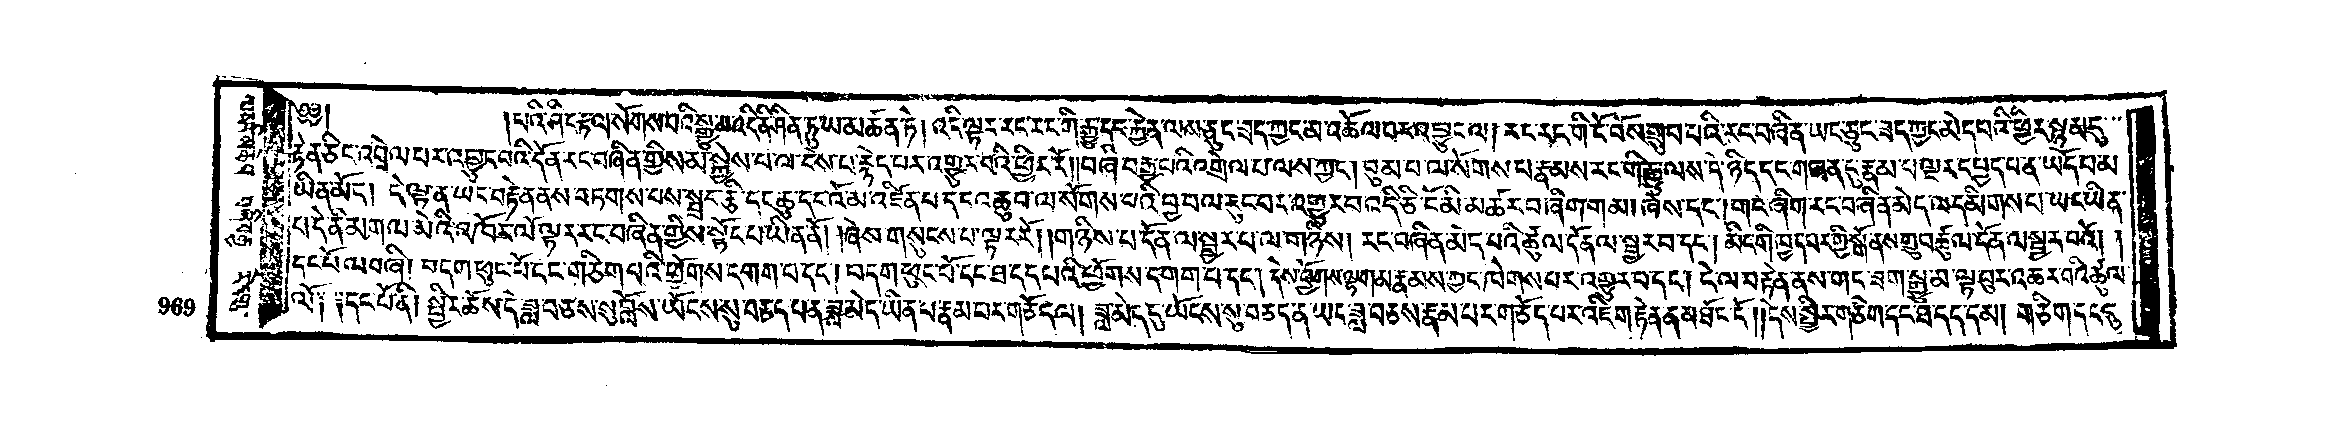༄༅། །པའི་ཤིང་རྟ་ལ་སོགས་པའི་སྒྱུ་མ་འདི་ནི་ཤིན་ཏུ་ཡ་མཚན་ཏེ། འདི་ལྟར་རང་རང་གི་རྒྱུ་དང་རྐྱེན་ལས་ཅུང་ཟད་ཀྱང་མ་འཆོལ་བར་འབྱུང་ལ། རང་རང་གི་ངོ་བོས་གྲུབ་པའི་རང་བཞིན་ཡང་ཅུང་ཟད་ཀྱང་མེད་པའི་ཕྱིར་སྙམ་དུ་
རྟེན་ཅིང་འབྲེལ་པར་འབྱུང་བའི་དོན་རང་བཞིན་གྱིས་མ་སྐྱེས་པ་ལ་ངེས་པ་རྙེད་པར་འགྱུར་བའི་ཕྱིར་རོ། །བཞི་བརྒྱ་པའི་འགྲེལ་པ་ལས་ཀྱང་། བུམ་པ་ལ་སོགས་པ་རྣམས་རང་གི་རྒྱུ་ལས་དེ་ཉིད་དང་གཞན་དུ་རྣམ་པ་ལྔར་དཔྱད་པ་ན་ཡོད་པ་མ་
ཡིན་མོད། དེ་ལྟ་ན་ཡང་བརྟེན་ནས་བཏགས་པས་སྦྲང་རྩི་དང་ཆུ་དང་འོ་མ་འཛིན་པ་དང་འཆུ་བ་ལ་སོགས་པའི་བྱ་བ་ལ་རུང་བར་འགྱུར་བ་འདི་ཅི་ངོ་མི་མཚར་བ་ཞིག་གམ། ཞེས་དང་། གང་ཞིག་རང་བཞིན་མེད་ལ་དམིགས་པ་ཡང་ཡིན་
པ་དེ་ནི་མགལ་མེའི་འཁོར་ལོ་ལྟར་རང་བཞིན་གྱིས་སྟོང་པ་ཡིན་ནོ། །ཞེས་གསུངས་པ་ལྟར་རོ། །གཉིས་པ་དོན་ལ་སྦྱར་བ་ལ་གཉིས། རང་བཞིན་མེད་པའི་ཚུལ་དོན་ལ་སྦྱར་བ་དང་། མིང་གི་ཁྱད་པར་གྱི་སྒོ་ནས་གྲུབ་ཚུལ་དོན་ལ་སྦྱར་བའོ། །
དང་པོ་ལ་བཞི། བདག་ཕུང་པོ་དང་གཅིག་པའི་ཕྱོགས་དགག་པ་དང་། བདག་ཕུང་པོ་དང་ཐ་དད་པའི་ཕྱོགས་དགག་པ་དང་། དེས་ཕྱོགས་ལྷག་མ་རྣམས་ཀྱང་ཁེགས་པར་འགྱུར་བ་དང་། དེ་ལ་བརྟེན་ནས་གང་ཟག་སྒྱུ་མ་ལྟ་བུར་འཆར་བའི་ཚུལ་
ལོ༑ ༑དང་པོ་ནི། སྤྱིར་ཆོས་དེ་ཟླ་བཅས་སུ་བློས་ཡོངས་སུ་བཅད་པ་ན་ཟླ་མེད་ཡིན་པ་རྣམ་པར་གཅོད་ལ། ཟླ་མེད་དུ་ཡོངས་སུ་བཅད་ན་ཡང་ཟླ་བཅས་རྣམ་པར་གཅོད་པར་འཇིག་རྟེན་ན་མཐོང་ངོ། །དེས་སྤྱིར་གཅིག་དང་ཐ་དད་དམ། གཅིག་དང་དུ་